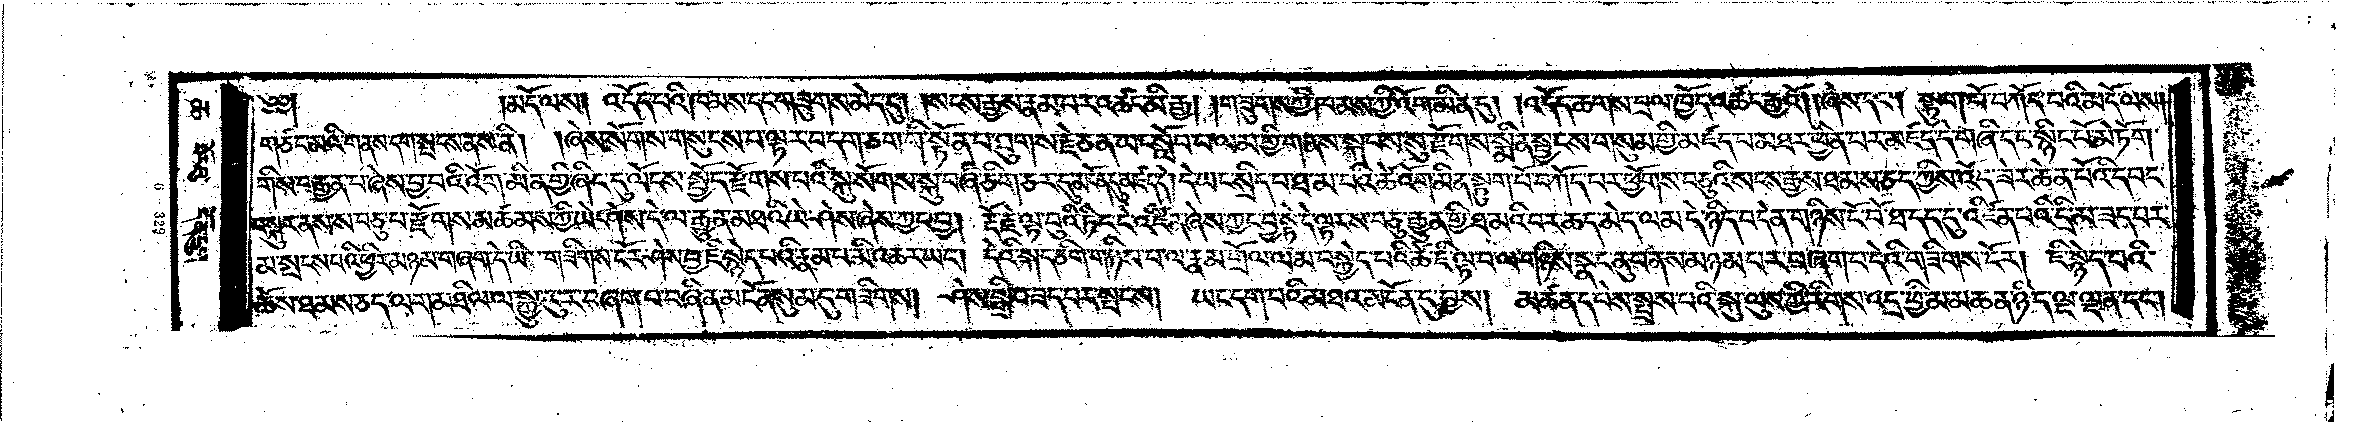༄༅། །མདོ་ལས། འདོད་པའི་ཁམས་དང་གཟུགས་མེད་དུ། །སངས་རྒྱས་རྣམ་པར་འཚང་མི་རྒྱ། །གཟུགས་ཀྱི་ཁམས་ཀྱི་འོག་མིན་དུ། །འདོད་ཆགས་བྲལ་ཁྱོད་འཚང་རྒྱའོ། །ཞེས་དང་། སྡུག་པོ་བཀོད་པའི་མདོ་ལས།
གཙང་མའི་གནས་དག་སྤངས་ནས་ནི། །ཞེས་སོགས་གསུངས་པ་ལྟར་བདག་ཅག་གིས་ཏོན་པ་ཐུགས་རྗེ་ཅན་ཡང་སློབ་པ་ལམ་གྱི་གནས་སྐབས་སུ་རྫོགས་སྨིན་སྦྱངས་གསུམ་གྱི་མཛད་པ་མཐར་ཕྱིན་པར་མཛད་དེ་ཞི་དང་སྙིང་པོ་མེ་ཏོག་
གིས་བརྒྱན་པ་ཞེས་བྱ་བའི་འོག་མིན་གྱི་ཞིང་དུ་ལོངས་སྤྱོད་རྫོགས་པའི་སྐུ་སོགས་སྐུ་བཞི་ཅིག་ཅར་དུ་མངོན་དུ་མཛད་དེ། དེ་ཡང་སྲིད་པ་ཐ་མ་པའི་ཚེ་འོག་མིན་སྟུག་པོ་བཀོད་པར་ཕྱོགས་བཅུའི་སངས་རྒྱས་ཐམས་ཅད་ཀྱིས་འོད་ཟེར་ཆེན་པོའི་དབང་
བསྐུར་ནས་ས་བཅུ་པ་རྫོགས་མཚམས་ཀྱི་ཡེ་ཤེས་དེ་ལ་རྒྱུན་མཐའི་ཡེ་ཤེས་ཞེས་ཀྱང་བྱ། རྡོ་རྗེ་ལྟ་བུའི་ཏིང་ངེ་འཛིན་ཞེས་ཀྱང་བྱ་སྟེ་དེ་ལྟར་ས་བཅུ་རྒྱུན་གྱི་ཐ་མའི་བར་ཆད་མེད་ལམ་དེ་ཉིད་བདེན་གཉིས་ངོ་བོ་ཐ་དད་དུ་འཛིན་པའི་དྲི་མ་ཟད་པར་
མ་སྤངས་པའི་ཕྱིར་མཉམ་གཞག་དེ་ཡིས་གཟིགས་ངོར་ཤེས་བྱ་ཇི་སྙེད་པའི་རྣམ་པ་མི་འཚར་ཡང་། དེའི་སྐད་ཅིག་གཉིས་པ་ལ་རྣམ་གྲོལ་ལམ་བསྐྱེད་པའི་ཚེ་ཇི་ལྟ་བ་ལ་གཉིས་སྣང་ནུབ་ནས་མཉམ་པར་བཞག་པ་དེའི་གཟིགས་ངོར། ཇི་སྙེད་པའི་
ཆོས་ཐམས་ཅད་ལག་མཐིལ་ལ་སྒྱུ་རུར་བཞག་པ་བཞིན་མངོན་སུམ་དུ་གཟིགས། ཤེས་སྒྲིབ་ཟད་པར་སྤངས། ཡང་དག་པའི་མཐའ་མངོན་དུ་བྱས། མཚན་དཔེས་སྤྲས་པའི་སྐུ་ལུས་ཀྱི་རིགས་འདྲ་ཕྱི་མ་མཚན་ཉིད་ལྔ་ལྡན་དང་།